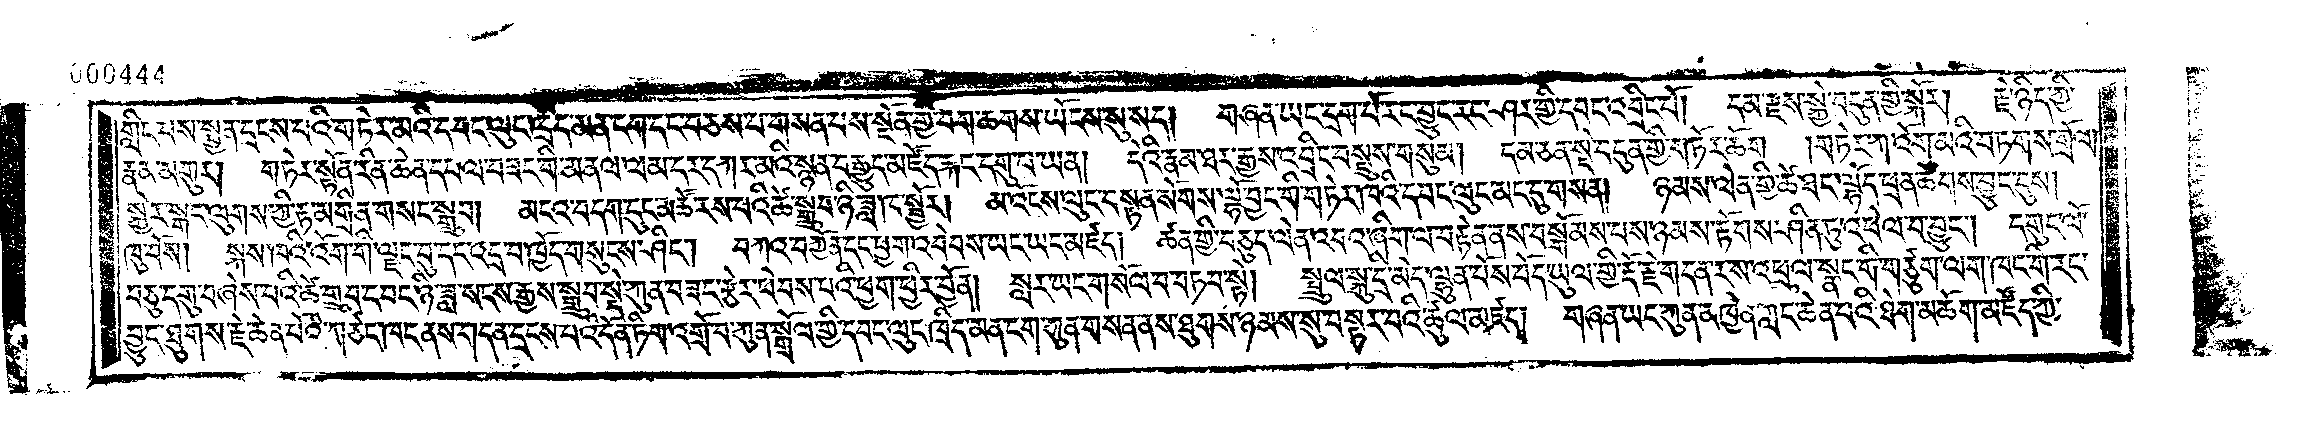གླིང་པས་སྤྱན་དྲངས་པའི་གཏེར་མའི་དབང་ལུང་ཁྲིད་མན་ངག་དང་བཅས་པ་གསན་པས་སྔོན་གྱི་བག་ཆགས་ཡོངས་སུ་སད། གཞན་ཡང་དྲག་པོ་རང་བྱུང་རང་ཤར་གྱི་དབང་འབྲིང་པོ། དམ་རྫས་སྐྱེ་བདུན་གྱི་སྐོར། རྗེ་ཉིད་ཀྱི་
རྣམ་མགུར། གཏེར་སྟོན་རིན་ཆེན་དཔལ་བཟང་གི་མནལ་ལམ་དར་དཀར་མའི་སྙན་བརྒྱུད་མཛོད་རྐང་དགུ་པ་ཡན། དེའི་རྣམ་ཐར་རྒྱས་འབྲིང་བསྡུས་གསུམ། དམ་ཅན་སྡེ་བདུན་གྱི་གཏོར་ཆོག །གཏེར་ཀ་འོག་མའི་བཏགས་གྲོལ།
སྐྱེར་སྒང་ལུགས་ཀྱི་རྟ་མགྲིན་གསང་སྒྲུབ། མངའ་བདག་དུང་མཚོ་རས་པའི་ཚེ་སྒྲུབ་ཉི་ཟླ་ཁ་སྦྱོར། མ་འོངས་ལུང་བསྟན་སོགས་ལྷོ་བྱང་གི་གཏེར་ཁའི་དབང་ལུང་མང་དུ་གསན། ཉམས་ལེན་གྱི་ཚེ་ཐང་ལྷོད་ཕྲན་ཚོགས་བྱུང་དུས།
ཁུ་བོས། སྐས་ཁའི་འོག་གི་ལྗང་བུ་དང་འདྲ་བ་ཁྱོད་གསུངས་ཤིང་། བཀའ་བཀྱོན་དང་ཕྱག་འབེབས་ཡང་ཡང་མཛད། ཚན་གྱི་བཅུད་ལེན་འབའ་ཞིག་ལ་བརྟེན་ནས་བསྒོམས་པས་ཉམས་རྟོགས་ཤིན་ཏུ་འཕེལ་བ་བྱུང་། དགུང་ལོ་
བཅུ་དགུ་བཞེས་པའི་ཚེ་གྲུབ་དབང་ཉི་ཟླ་སངས་རྒྱས་སྒྲུབ་སྡེ་ཀུན་བཟང་རྩེར་ཕེབས་པའི་ཕྱག་ཕྱིར་བྱོན། སླར་ཡང་གསོལ་བ་བཏབ་སྟེ། སྤྲུལ་སྐུ་དྲི་མེད་ལྷུན་པོས་བོད་ཡུལ་གྱི་རྡོ་རྗེ་གདན་རས་འཕྲུལ་སྣང་གི་གཙུག་ལག་ཁང་གི་རང་
བྱུང་ཐུགས་རྗེ་ཆེན་པོའི་གཙང་ཁང་ནས་གདན་དྲངས་པའི་དོན་ཏིག་འགྲོ་བ་ཀུན་སྒྲོལ་གྱི་དབང་ལུང་ཁྲིད་མན་ངག་ཀུན་གསན་ནས་ཐུགས་ཉམས་སུ་བསྟར་བའི་ཚུལ་མཛད། གཞན་ཡང་ཀུན་མཁྱེན་ཀློང་ཆེན་པའི་ཐེག་མཆོག་མཛོད་ཀྱི་